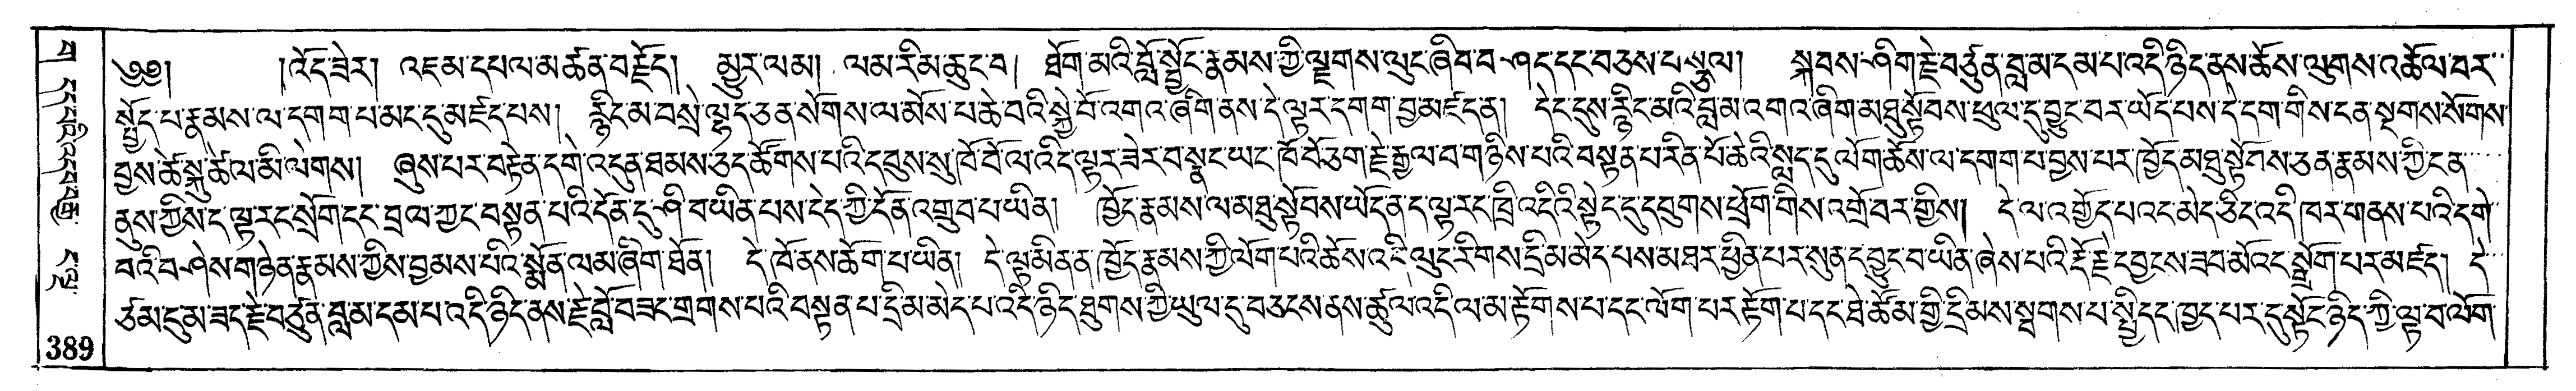༄༅། །འོད་ཟེར། འཇམ་དཔལ་མཚན་བརྗོད། མྱུར་ལམ། ལམ་རིམ་ཆུང་བ། ཐོག་མའི་བློ་སྦྱོང་རྣམས་ཀྱི་ལྗགས་ལུང་ཞིབ་བཤད་དང་བཅས་པ་སྩལ། དེ་སྐབས་ཤིག་རྗེ་བཙུན་བླ་མ་དམ་པ་འདི་ཉིད་ནས་ཆོས་ལུགས་འཆོལ་པར་
སྤྱོད་པ་རྣམས་ལ་དགག་པ་མང་དུ་མཛད་པས། རྙིང་མ་བསྲེ་ལྷད་ཅན་སོགས་ལ་མོས་པ་ཆེ་བའི་སྐྱེ་བོ་འགའ་ཞིག་ནས་དེ་ལྟར་དགག་བྱ་མཛད་ན། དེང་དུས་རྙིང་མའི་བླ་མ་འགའ་ཞིག་མཐུ་སྟོབས་ཕུལ་དུ་བྱུང་བར་ཡོད་པས་དེ་དག་གིས་ངན་སྔག་ས་སོགས་
བྱས་ཚེ་སྐུ་ཚེ་ལ་མི་ལེགས། ཞུས་པར་བརྟེན་དགེ་འདུན་ཐམས་ཅད་ཚོགས་པའི་དབུས་སུ་ཁོ་བོ་ལ་འདི་ལྟར་ཟེར་བ་སྣང་ཡང་ཁོ་བོ་ཅག་རྗེ་རྒྱལ་བ་གཉིས་པའི་བསྟན་པ་རིན་པོ་ཆེའི་སླད་དུ་ལོག་ཆོས་ལ་དགག་པ་བྱས་པར་ཁྱོད་མཐུ་སྟོབས་ཅན་རྣམས་ཀྱི་ངན་
ནུས་ཀྱིས་ད་ལྟ་རང་སྲོག་དང་ཕྲལ་ཀྱང་བསྟན་པའི་དོན་དུ་ཤི་བ་ཡིན་པས་ངེད་ཀྱི་དོན་འགྲུབ་པ་ཡིན། ཁྱོད་རྣམས་ལ་མཐུ་སྟོབས་ཡོད་ན་ད་ལྟ་རང་ཁྲི་འདིའི་སྟེང་དུ་དབུགས་ཕྲོག་གིས་འགྲོ་བར་གྱིས། དེ་ལ་འགྱོད་པའང་མེད་ཅིང་འདི་ཁར་གནས་པའི་དགེ་
བའི་བཤེས་གཉེན་རྣམས་ཀྱིས་བྱམས་པའི་སྨོན་ལམ་ཞིག་ཐོན། དེ་ཁོ་ནས་ཆོག་པ་ཡིན། དེ་ལྟ་མིན་ན་ཁྱོད་རྣམས་ཀྱི་ལོག་པའི་ཆོས་འདི་ལུང་རིགས་དྲི་མ་མེད་པས་མཐར་ཕྱིན་པར་སུན་དབྱུང་བ་ཡིན་ཞེས་པའི་རྡོ་རྗེ་དབྱངས་ཟབ་མོའང་སྒྲོག་པར་མཛད། དེ་
ཙམ་དུ་མ་ཟད་རྗེ་བཙུན་བླ་མ་དམ་པ་འདི་ཉིད་ནས་རྗེ་བློ་བཟང་གྲགས་པའི་བསྟན་པ་དྲི་མ་མེད་པ་འདི་ཉིད་ཐུགས་ཀྱི་ཡུལ་དུ་བཅངས་ནས་ཚུལ་འདི་ལ་མ་རྟོགས་པ་དང་ལོག་པར་རྟོག་པ་དང་ཐེ་ཚོམ་གྱི་དྲི་མས་སྦགས་པ་སྤྱི་དང་ཁྱད་པར་དུ་སྟོང་ཉིད་ཀྱི་ལྟ་བ་ལོག་